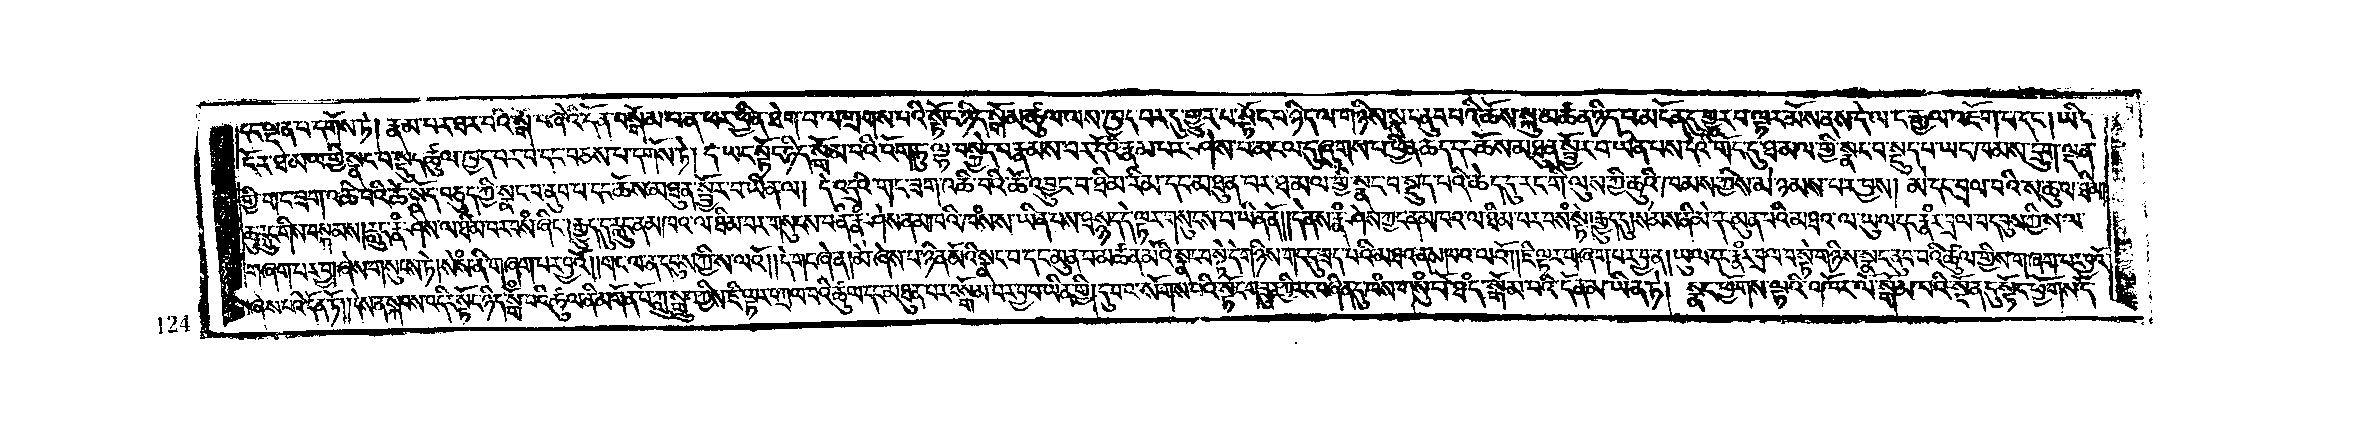དང་ལྡན་པ་དགོས་ཏེ། རྣམ་པར་ཐར་པའི་སྒོ་བཞིའི་དོན་བསྒོམ་པ་ན་ཕར་ཕྱིན་ཐེག་པ་ལ་གྲགས་པའི་སྟོང་ཉིད་སྒོམ་ཚུལ་ལས་ཁྱད་པར་དུ་གྱུར་པ་སྟོང་པ་ཉིད་ལ་གཉིས་སྣང་ནུབ་པའི་ཆོས་སྐུ་མཚན་ཉིད་པ་མངོན་དུ་གྱུར་པ་ལྟར་མོས་ནས་དེ་ལ་ང་རྒྱལ་འཇོག་པ་དང་། ཡིད་
ངོར་ཐ་མལ་གྱི་སྣང་བ་སྡུད་ཚུལ་ཁྱད་པར་བ་དང་བཅས་པ་དགོས་ཏེ། ད་ཡང་སྟོང་ཉིད་སྒོམ་པའི་འོག་ཏུ་ལྷ་བསྐྱེད་པ་རྣམས་པར་དོའི་རྣམ་པར་ཤེས་པ་མངལ་དུ་ཞུགས་པ་ཕྱིན་ཆད་དང་ཆོས་མཐུན་སྦྱོར་བ་ཡིན་པས་དེའི་གོང་དུ་ཐ་མལ་གྱི་སྣང་བ་སྡུད་པ་ཡང་ཁམས་དྲུག་ལྡན་
གྱི་གང་ཟག་འཆི་བའི་ཚེ་སྣོད་བཅུད་ཀྱི་སྣང་བ་ནུབ་པ་དང་ཆོས་མཐུན་སྦྱོར་བ་ཡིན་ལ། དེ་འདྲའི་གང་ཟག་འཆི་བའི་ཚེ་འབྱུང་བ་ཐིམ་རིམ་དང་མཐུན་པར་ཐ་མལ་གྱི་སྣང་བ་སྡུད་པའི་ཆེད་དུ་རང་གི་ལུས་ཀྱི་ཆུའི་ཁམས་ཀྱིས་མེ་ཉམས་པར་བྱས། མེ་དང་བྲལ་བའི་ས་ཆུ་ལ་ཐིམ་
ཆུ་རླུང་གིས་བསྐམས། རླུང་རྣམ་ཤེས་ལ་ཐིམ་པར་བསམ་ཞིང་། རྒྱུད་དུ་རླུང་ནམ་མཁའ་ལ་ཐིམ་པར་གསུངས་པ་ནི་རྣམ་ཤེས་ནམ་མཁའི་ཁམས་ས་ཡིན་པས་ཐ་སྙད་དེ་ལྟར་གསུངས་པ་ཡིན་ནོ། །དེ་ནས་རྣམ་ཤེས་ཀྱང་ནམ་མཁའ་ལ་ཐིམ་པར་བསམ་སྟེ། རྒྱུད་དུ་སེམས་ནི་མེ་དང་མུན་པའི་མཐའ་ལ་ཡུལ་དང་རྣམ་བྲལ་བ་དབུས་ཀྱིས་ལ་
གཞག་པར་བྱ། ཞེས་གསུངས་ཏེ། སེམས་ནི་གཞག་པར་བྱའོ། །གང་ལ་ན་དབུས་ཀྱི་ས་ལའོ། །དེ་གང་ཞེ་ན། མེ་ཞེས་པ་ཉིན་མོའི་སྣང་བ་དང་མུན་པ་མཚན་མོའི་སྣང་བ་སྟེ་དེ་གཉིས་གང་དུ་ཟད་པའི་མཐའ་ནམ་མཁའ་ལའོ། །ཇི་ལྟར་གཞག་པར་བྱ་ན། ཡུལ་དང་རྣམས་བྲལ་བ་སྟེ་གཉིས་སྣང་ནུབ་པའི་ཚུལ་གྱིས་གཞག་པར་བྱའོ་
ཞེས་པའི་དོན་ཏོ། །དེས་ན་སྐབས་འདིར་སྟོང་ཉིད་སྒོམ་པའི་ཚུལ་ནི་མགོན་པོ་ཀླུ་སྒྲུབ་ཀྱིས་ཇི་ལྟར་བཀྲལ་བའི་ཚུལ་དང་མཐུན་པར་བསྒོམ་པར་བྱ་བ་ཡིན་གྱི། དུ་བ་ལ་སོགས་པའི་སྟོང་གཟུགས་ཀྱི་རང་བཞིན་དུ་ཁམས་གསུམ་པོ་ཐམས་ཅད་སྒོམ་པའི་དོན་མ་ཡིན་ཏེ། སྣང་ཕྱོགས་ལྟའི་འཁོར་ལོ་སྒོམ་པའི་སྔོན་དུ་སྟོང་ཕྱོགས་དེ་